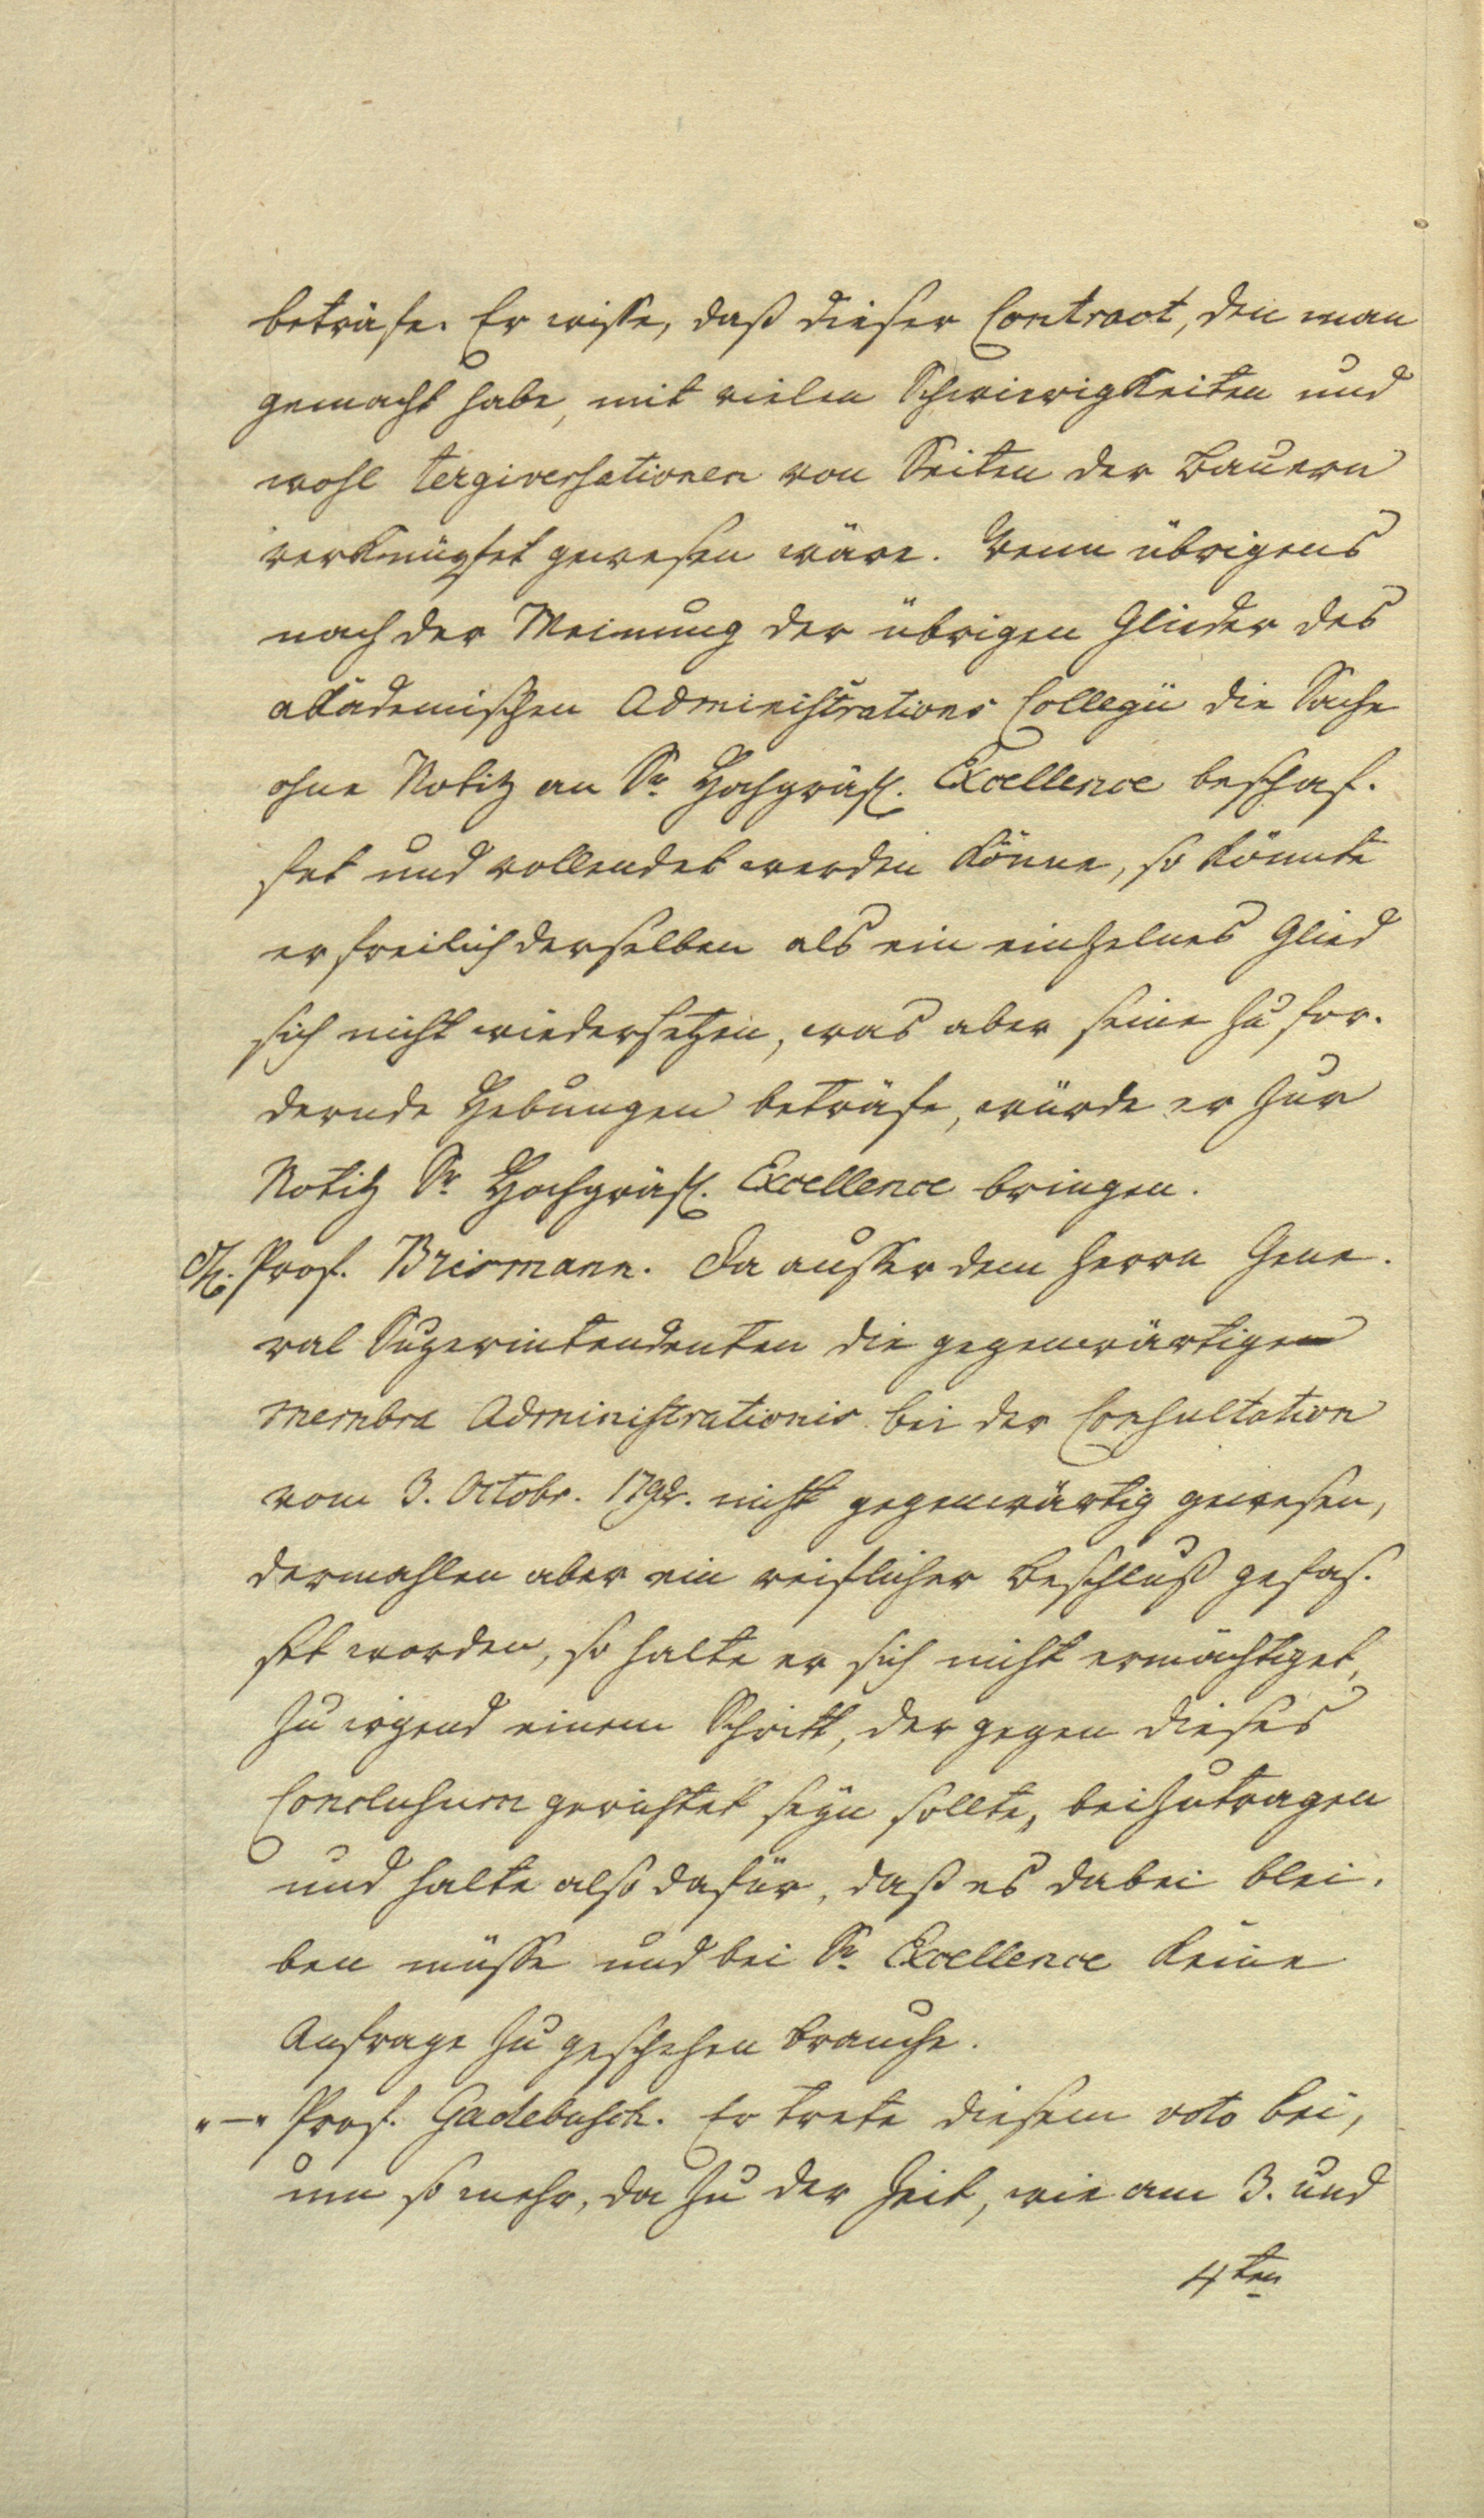beträfe. Er wisse, daß dieser Contract, den man
gemacht habe, mit vielen Schwierigkeiten und
wohl tergiversationen von Seiten der Bauern
verknüpfet gewesen wäre. Wenn übrigens
nach der Meinung der übrigen Glieder des
akademischen Administrations Collegii die Sache
ohne Notiz an Sr Hochgräfl. Excellence beschaf¬
et und vollendet werden könne, so könnte
er freilich derselben als ein einzelnes Glied
sich nicht wiedersetzen, was aber seine zu for¬
dernde Hebungen beträfe, würde er zur
Notiz Sr Hochgräfl. Excellence bringen.
dh. Prof. Brismann. Da ausser dem Herrn Gene¬
ral Superintendenten die gegenwärtigen
membra Administrationis bei der Consultation
vom 3. Octobr. 1792. nicht gegenwärtig gewesen,
dermahlen aber ein reiflicher Beschluß gefas¬
set worden, so halte er sich nicht ermächtiget,
zu irgend einem Schritt, der gegen dieses
Conclusum gerichtet seÿn sollte, beizutragen
und halte als dafür, daß es dabei blei¬
ben müsse und bei Sr Excellence keine
Anfrage zu geschehen brauche.
Prof. Gadebusch. Er trete diesem voto bei,
um so mehr, da zu der Zeit, wie am 3. und
4 ten